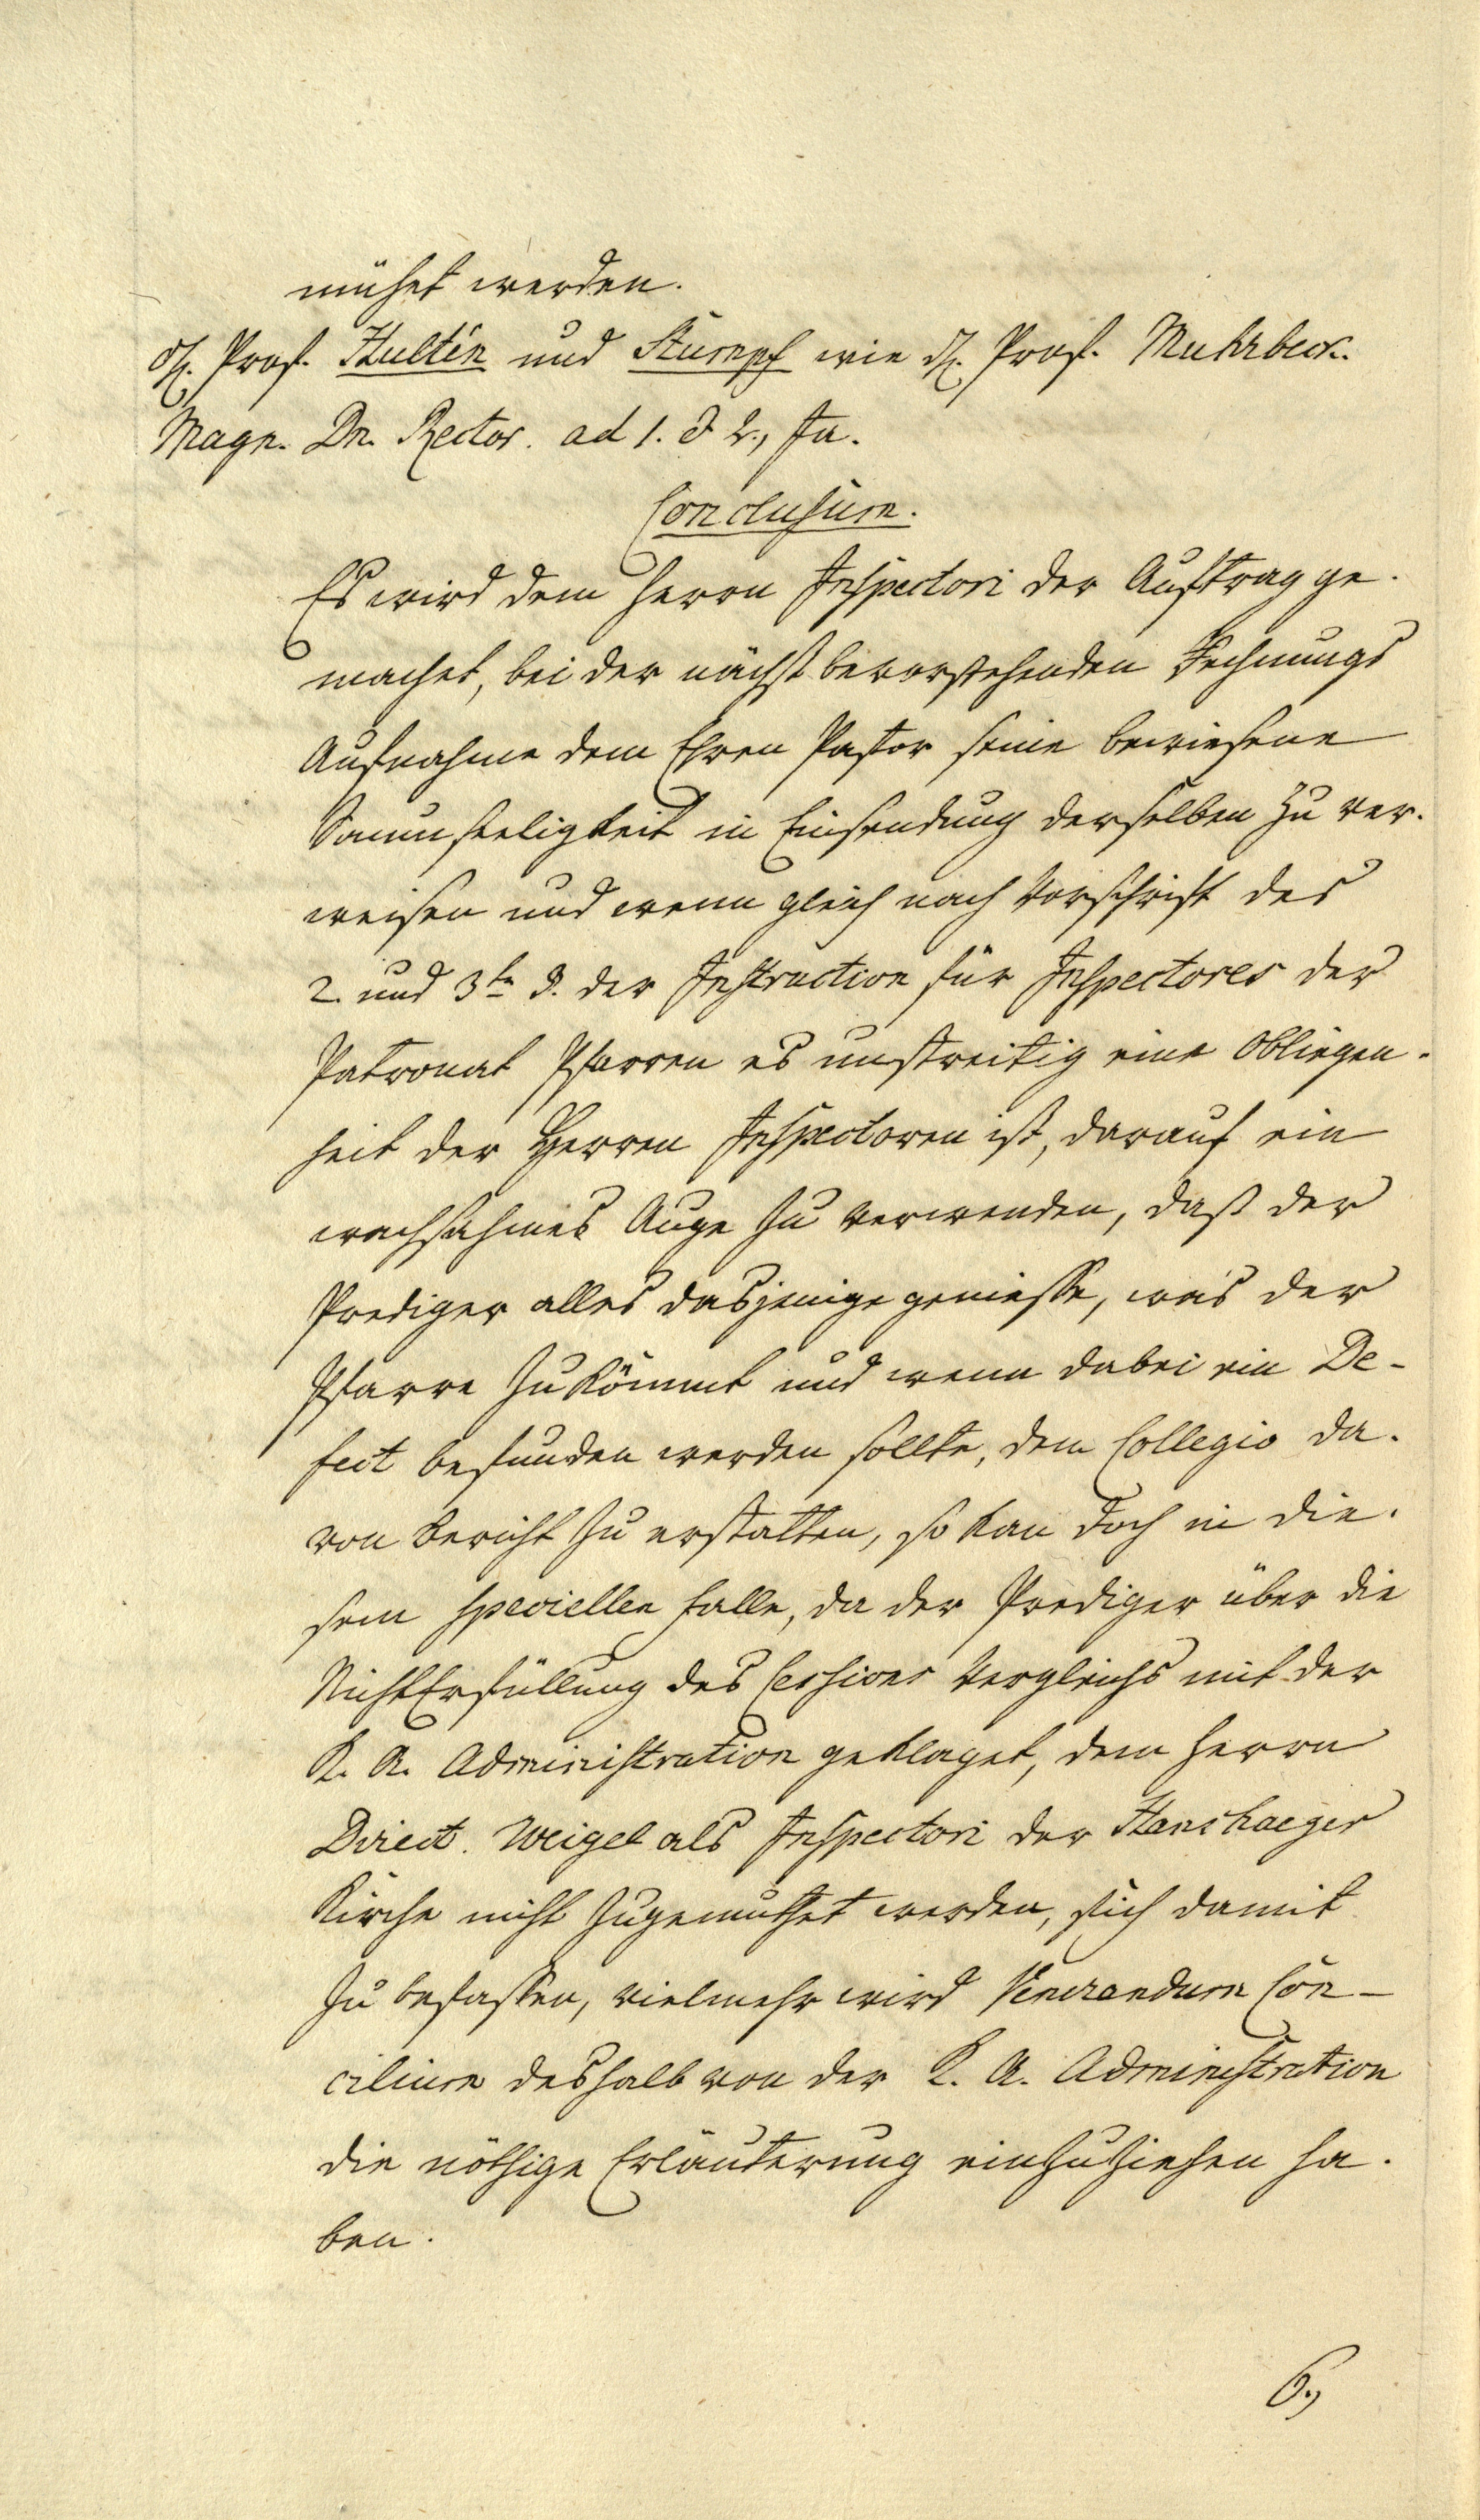mühet werden.
dh. Prof. Hultén und Stumpf wie dh. Prof. Murhbeck.
Magn. Dn. Rector. ad 1. et 2., Ja.
Conclusum.
Es wird dem herrn Inspectori der Auftrag ge-
machet, bei der nächst bevorstehenden Rechnungs
Aufnahme dem Ehren Pastor seine bewiesene
Saumseeligkeit in Einsendung derselben zu ver-
weisen und wenn gleich nach Vorschrift des
2. und 3ten § der Instruction für Inspectores der
Patronat Pfarren es unstreitig eine Obliegen-
heit der Herren Inspectoren ist, darauf ein
wachsahmes Auge zu verwenden, daß der
Prediger alles dasjenige geniesse, was der
Pfarre zukömmt und wenn dabei ein De-
fect befunden werden sollte, dem Collegio da-
von Bericht zu erstatten, so kan doch in die-
sem speciellen Falle, da der Prediger über die
Nicht Erfüllung des Cessions Vergleichs mit der
K. A. Administration geklaget, dem herrn
Direct. Weigel als Inspectori der Hanshaeger
Kirche nicht zugemuthet werden, sich damit
zu befassen, vielmehr wird Venerandum Con-
cilium deshalb von der K. A. Administration
die nöthige Erläuterung einzuziehen ha-
ben.
6.,